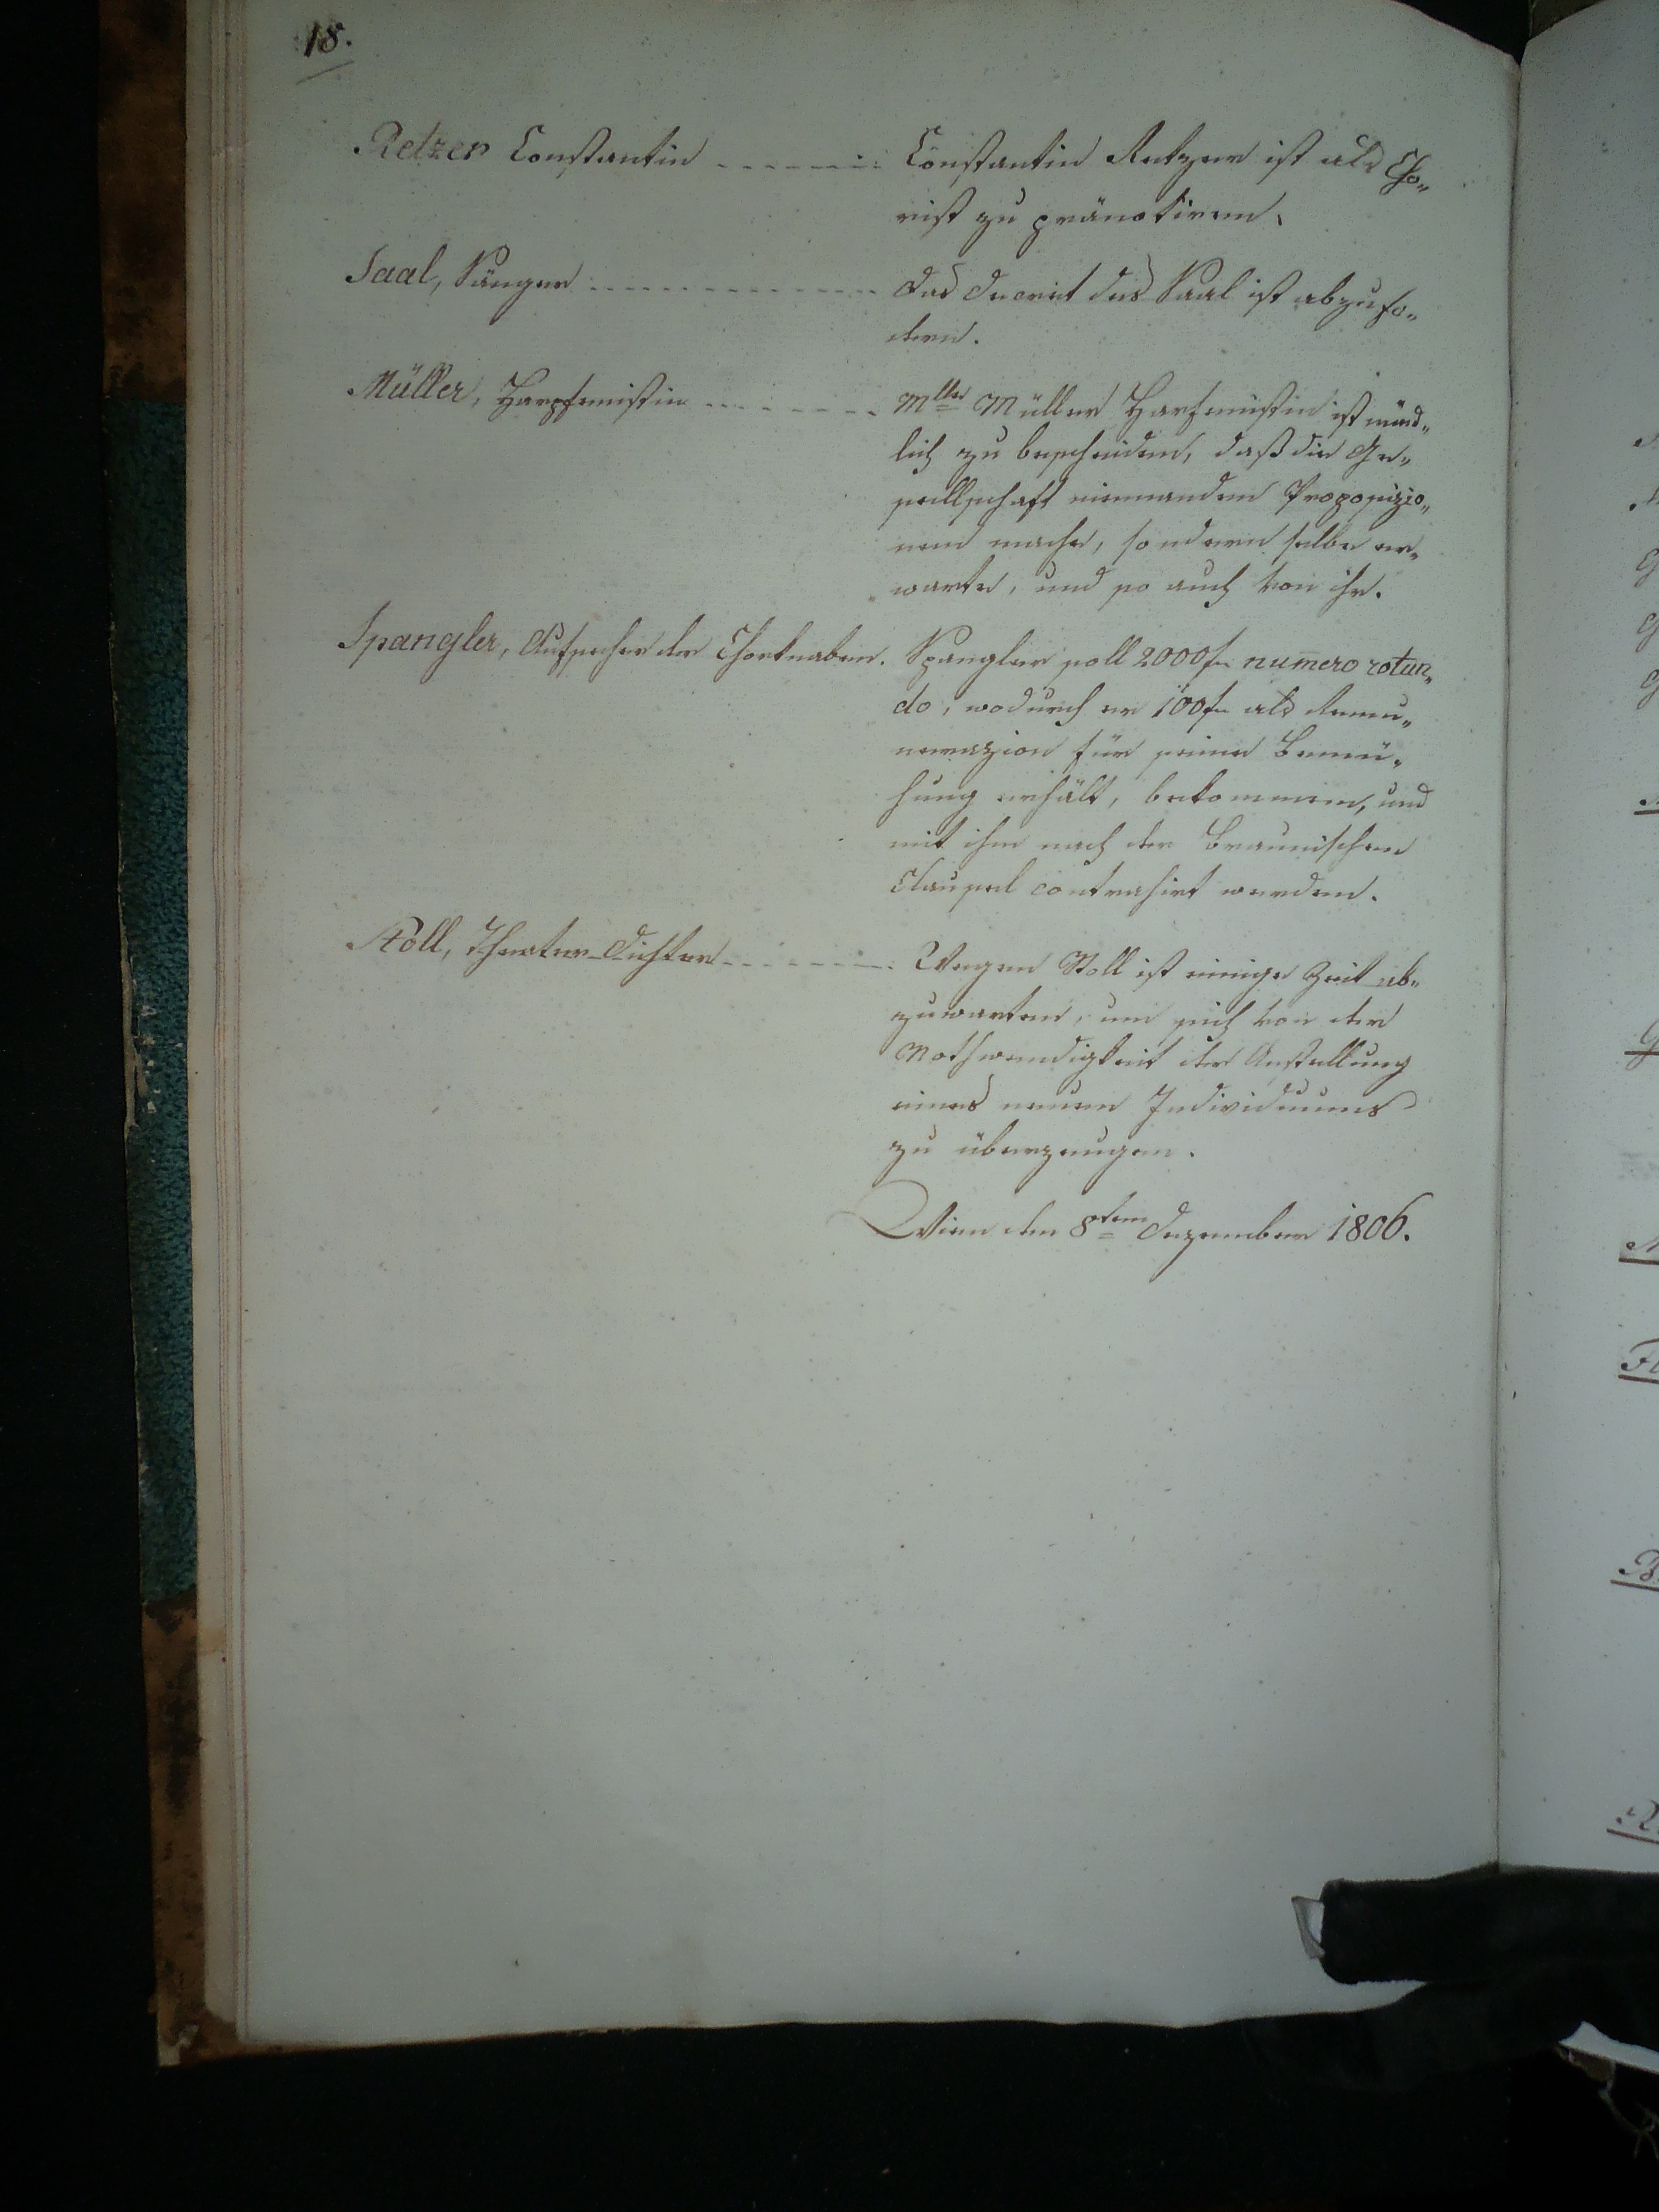18.
Retzer Constantin ……. Constantin Retzer ist als Cho¬
rist zu pränotiren.
Saal, Sänger …………… Das Decret des Saal ist abzufo¬
dern.
Müller, Harpfenistin …….. Mll͇e Müller Harfenistin ist münd¬
lich zu bescheiden, daß die Ge¬
sellschaft niemandem Proposizio¬
nen mache, sondern selbe er¬
warte, und so auch von ihr.
Spangler, Aufseher der Chorknaben. Spangler soll 2000fn numero rotun¬
do, wodurch er 100fn als Remu¬
nerazion für seine Bemü¬
hung erhält, bekommen, und
mit ihm nach der Braunischen
Clausel contrahirt werden.
Stoll, Theater_Dichter ……… Wegen Stoll ist einige Zeit ab¬
zuwarten, um sich von der
Nothwendigkeit der Anstellung
eines neuen Individuums
zu überzeugen.
Wien den 8t͇en Dezember 1806.